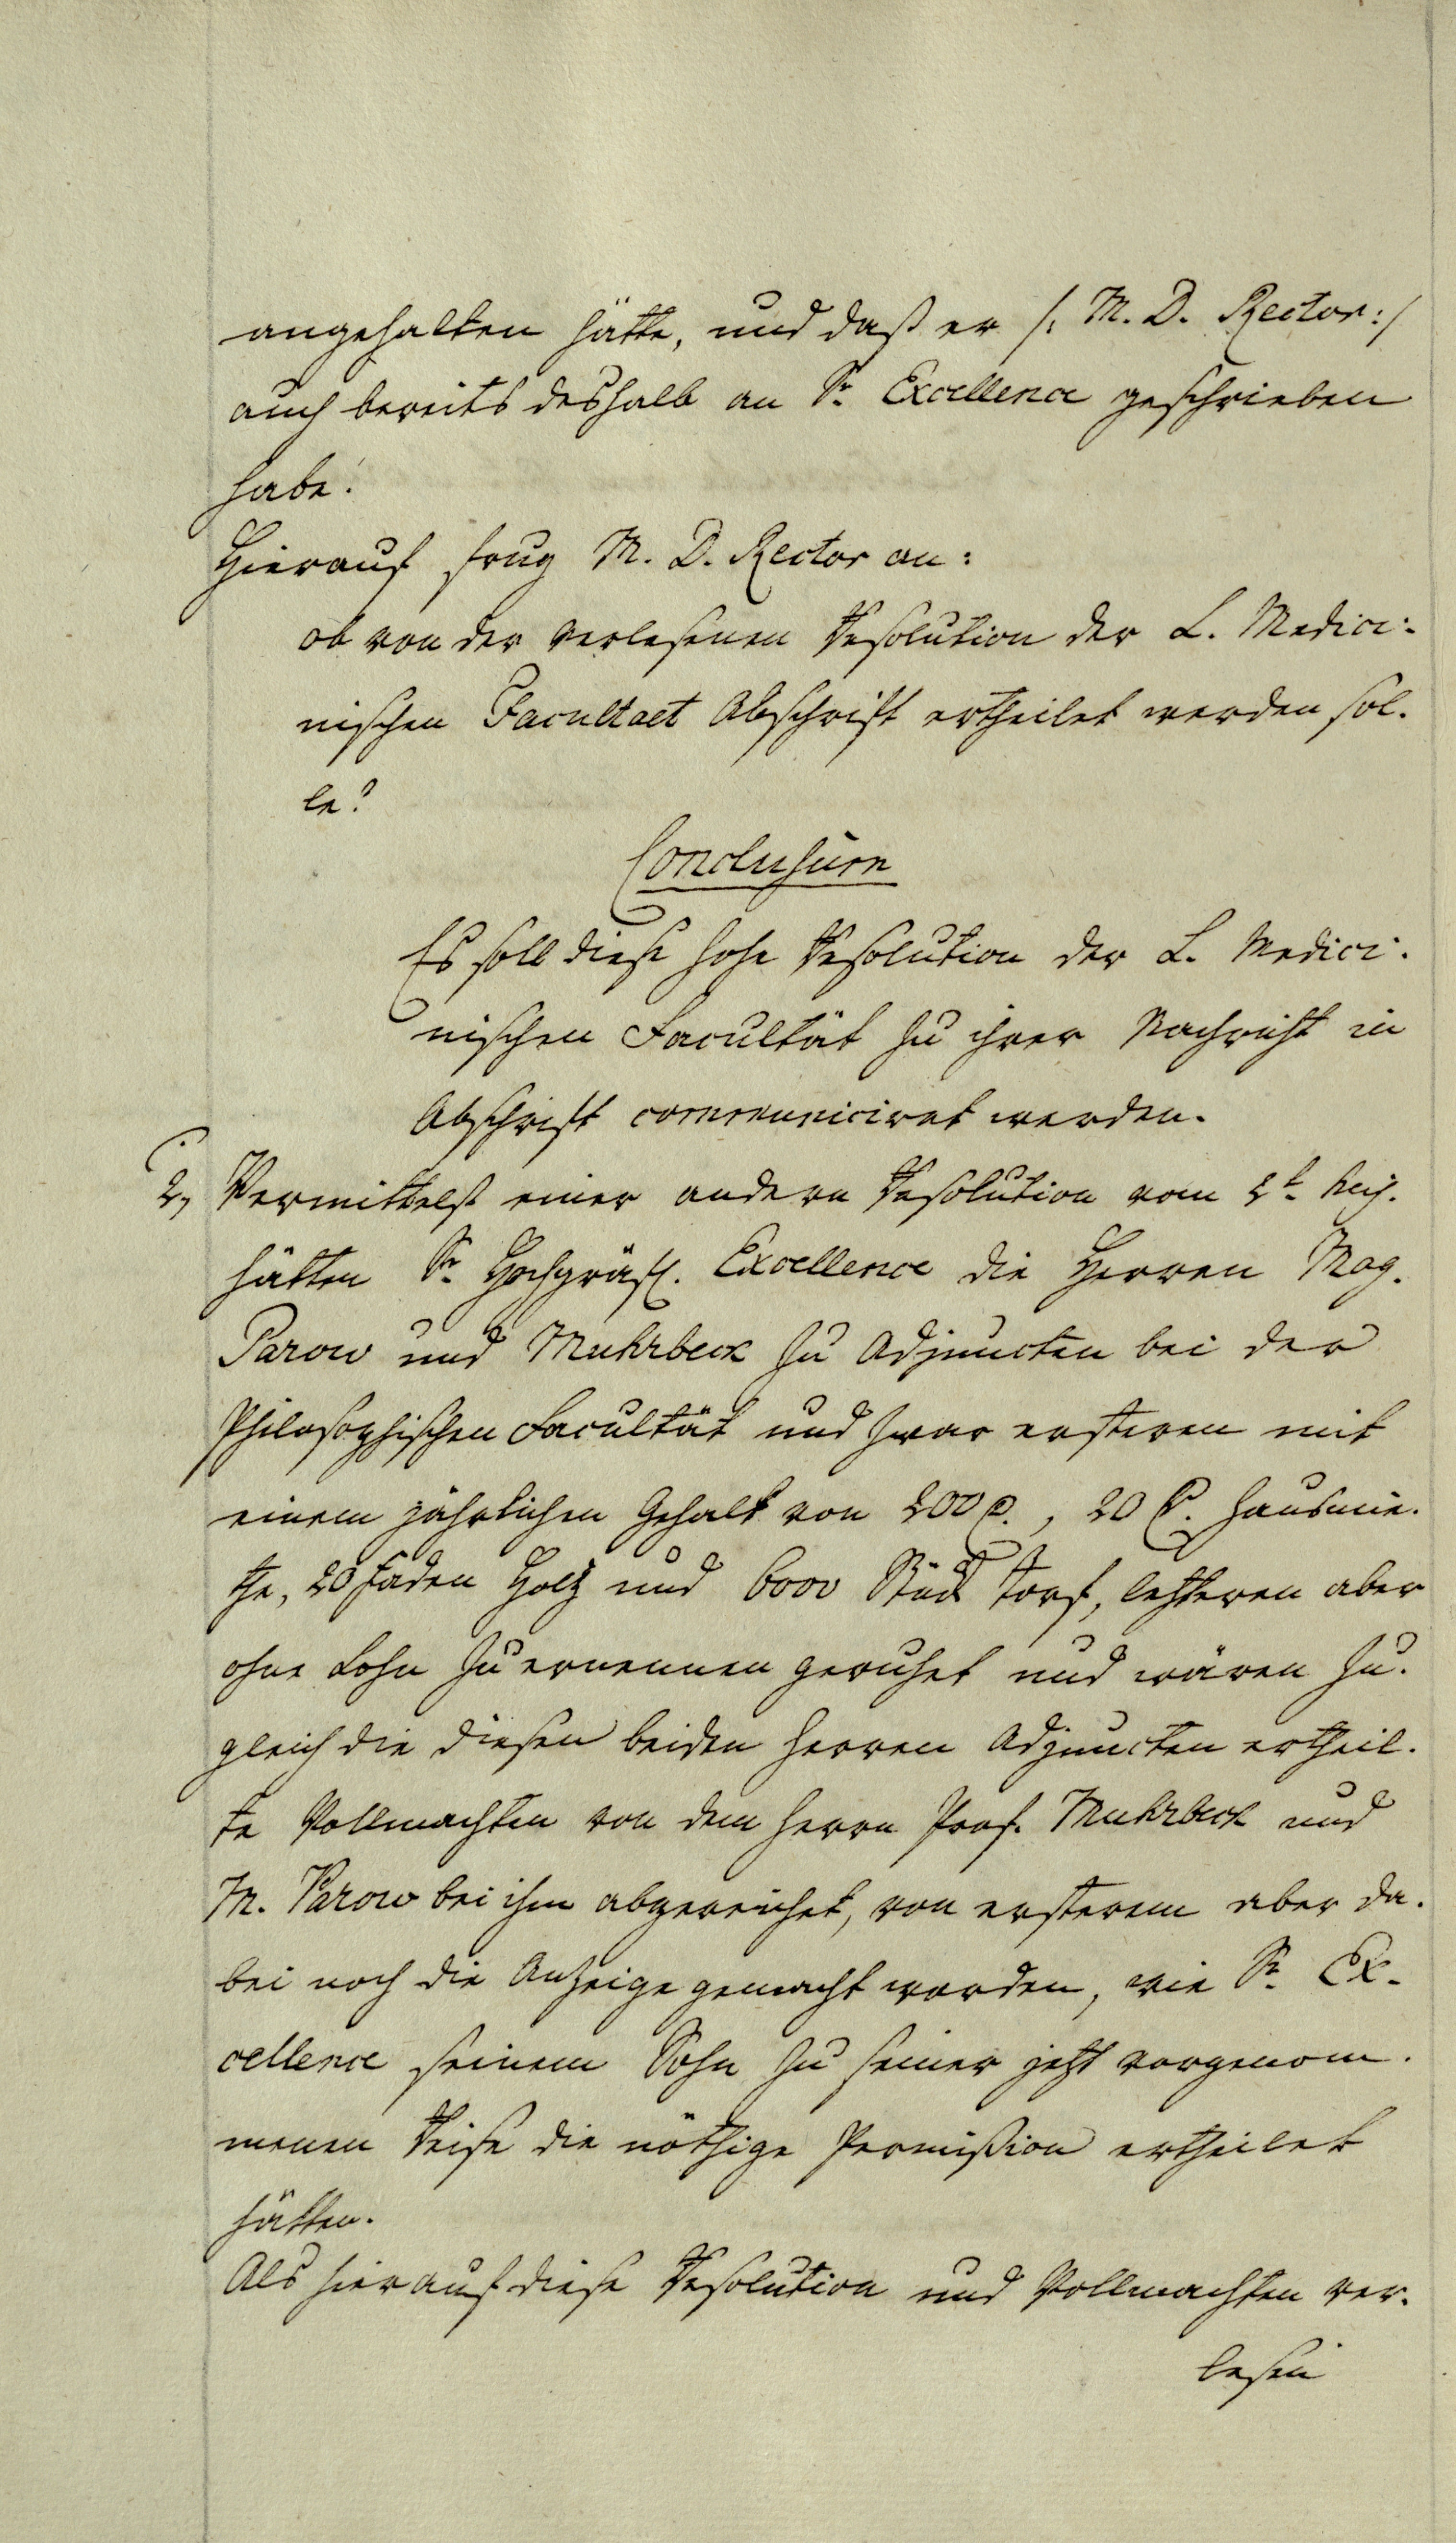angehalten hätte, und daß er /: M. D. Rector :/
auch bereits deshalb an Sr Excellence geschrieben
habe.
Hierauf frug M. D. Rector an:
ob von der verlesenen Resolution der L. Medici¬
nischen Facultaet Abschrift ertheilet werden sol¬
le?
Conclusum
Es soll diese hohe Resolution der L. Medici¬
nischen Facultät zu ihrer Nachricht in
Abschrift communiciret werden.
2., Vermittelst einer andern Resolution vom 2 t. huj.
hätten Sr. Hochgräfl. Excellence die Herren Mag.
Parow und Muhrbeck zu Adjuncten bei der
Philosophischen Facultät und zwar ersteren mit
einem jährlichen Gehalt von 200 l., 20 l. Hausmie¬
the, 20 Faden Holz und 6000 Stück Torf, letzteren aber
ohne Lohn zu ernennen geruhet und wären zu¬
gleich die diesen beiden Herren Adjuncten ertheil¬
te Vollmachten von dem Herrn Prof. Muhrbeck und
M. Parow bei ihm abgereichet, von ersterem aber da¬
bei noch die Anzeige gemacht worden, wie Sr. Ex¬
cellence seinem Sohn zu seiner jetzt vorgenom¬
menen Reise die nöthige Permißion ertheilet
hätten.
Als hierauf diese Resolution und Vollmachten ver¬
lesen